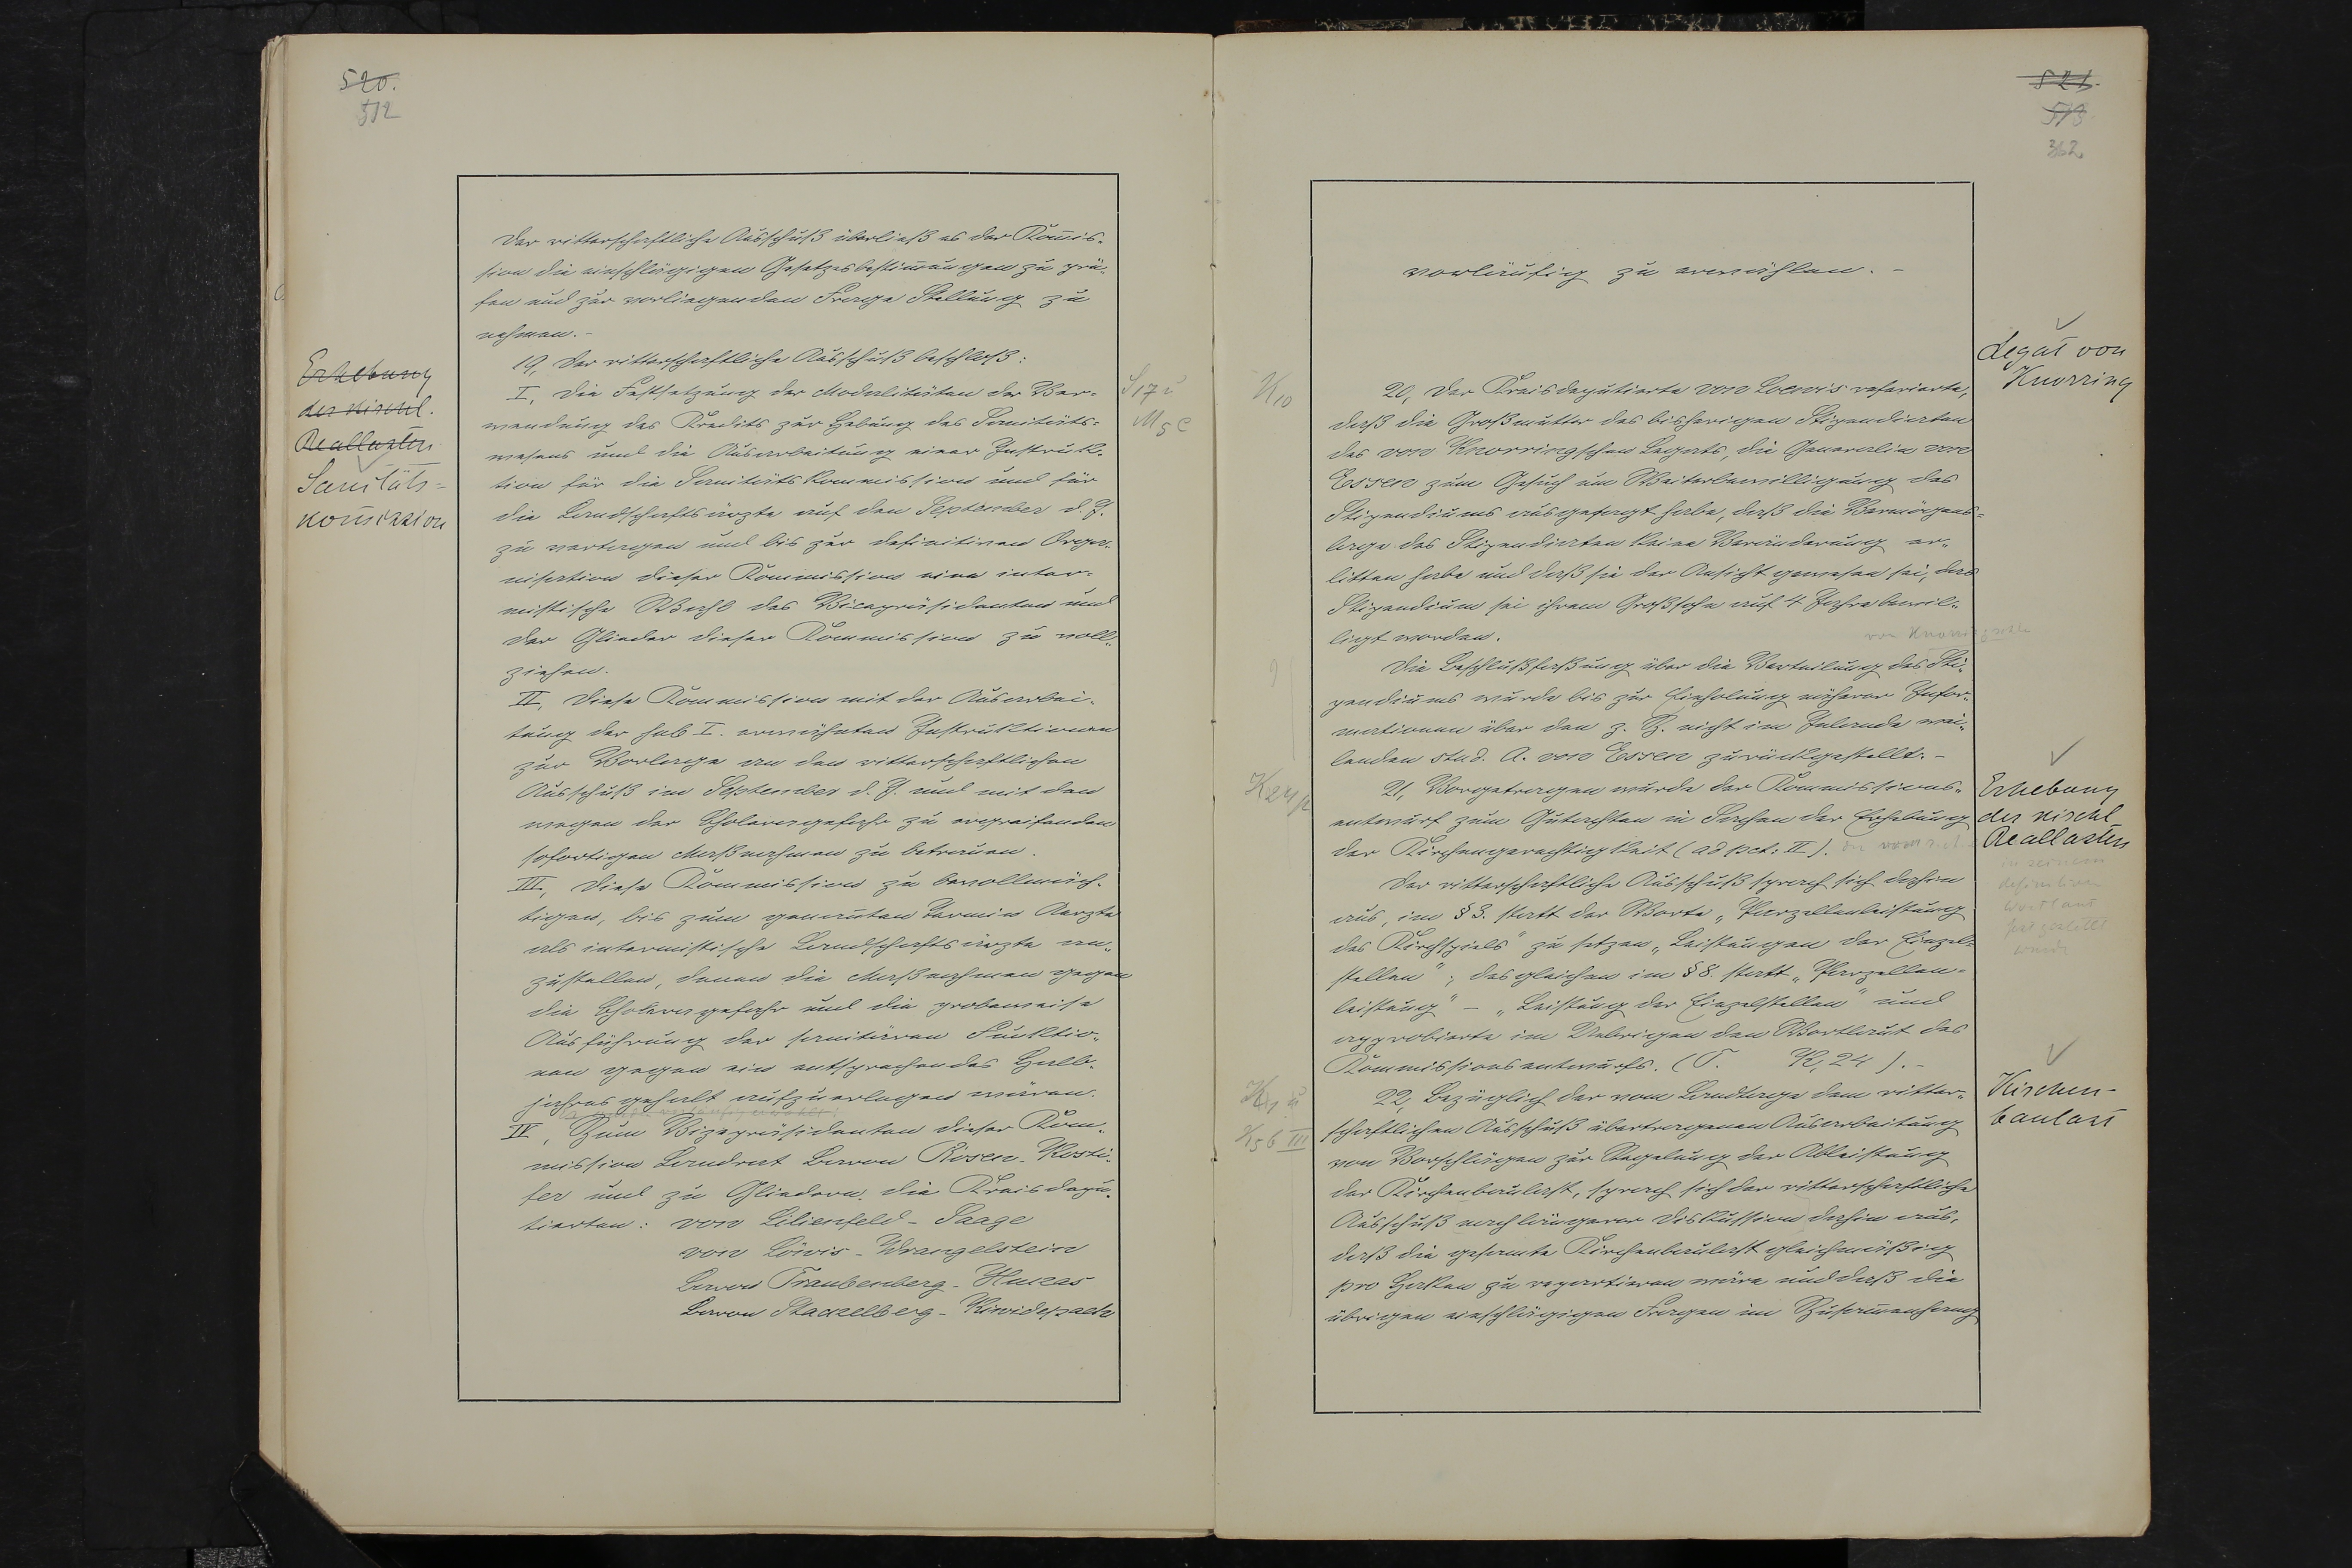Erhebung
der kirchl
Reallasten
Sanitäts
kommission
Der ritterschaftliche Ausschuß überließ es der Kommis-
sion die einschlägigen Gesetzesbestimmungen zu prü-
fen und zur vorliegenden Frage Stellung zu
nehmen.
19. Der ritterschaftliche Ausschuß beschloß:
I. Die Festsetzung der Modalitäten der Ver-
wendung des Kredits zur Hebung des Sanitäts-
wesens und die Ausarbeitung einer Instruk-
tion für die Sanitätskommission und für
die Landschaftsärzte auf den September d.J.
zu vertagen und bis zur definitiven Orga-
nisation dieser Kommission eine inter-
mistische Wahl des Vicepräsidenten und
der Glieder dieser Kommission zu voll-
ziehen.
II. Diese Kommission mit der Ausarbei-
tung der sub I. erwähnten Instruktionen
zur Vorlage an den ritterschaftlichen
Ausschuß im September d.J. und mit den
wegen der Choleragefahr zu ergreifenden
sofortigen Maßnahmen zu betrauen.
III. Diese Kommission zu bevollmäch-
tigen, bis zum genannten Termin Aerzte
als interimistische Landschaftsärzte an-
zustellen, denen die Maßnahmen gegen
die Choleragefahr und die probeweise
Ausführung der sanitären Funktio-
nen gegen ein entsprechendes Halb-
jahresgehalt aufzuerlegen wären.
IV. Zum Vizepräsidenten dieser Kom-
mission Landrat Baron Rosen-Kosti-
fer und zu Gliedern die Kreisdepu-
tierten: von Lilienfeld-Saage
von Löwis-Wrangelstein
Baron Traubenberg-Hukas
Baron Stackelberg-Kiwidepaeh
vorläufig zu erwählen.
20. Der Kreisdeputierte von Loewis referierte,
daß die Großmutter des bisherigen Stipendiaten
des von Knorringschen Legats, die Generalin von
Essen zum Gesuch um Weiterbewilligung des
Stipendiums ausgesagt habe, daß die Vermögens-
lage des Stipendiaten keine Veränderung er-
litten habe und daß sie der Ansicht gewesen sei, das
Stipendium sei ihrem Großsohn auf 4 Jahre bewil-
ligt worden.
Die Beschlußfaßung über die Verteilung des Sti-
pendiums wurde bis zur Einholung näherer Infor-
mationen über den z.Z. nicht im Inlande wei-
lenden stud. A. von Essen zurückgestellt.
21. Vorgetragen wurde der Kommissions-
entwurf zum Gutachten in Sachen der Erhebung
der Kirchengerechtigkeit (ad pct. II).
Der ritterschaftliche Ausschuß sprach sich dahin
aus, im § 3. statt der Worte „Parzellenleistung
des Kirchspiels“ zu setzen „Leistungen der Einzel-
stellen“; desgleichen im § 8. statt „Parzellen-
leistung“ – „Leistung der Einzelstellen“ und
approbierte im Uebrigen den Wortlaut des
Kommissionsentwurfs. (T. K.24).
22. Bezüglich der vom Landtage dem ritter-
schaftlichen Ausschuß übertragenen Ausarbeitung
von Vorschlägen zur Regelung der Ableistung
der Kirchenbaulast, sprach sich der ritterschaftliche
Ausschuß nach längerer Diskussion dahin aus,
daß die gesamte Kirchenbaulast gleichmäßig
pro Haken zu repartieren wäre und daß die
übrigen einschlägigen Fragen im Zusammenhang
Legat von
Knorring
Erhebung
der kirchl
Reallasten
Kirchen-
baulast